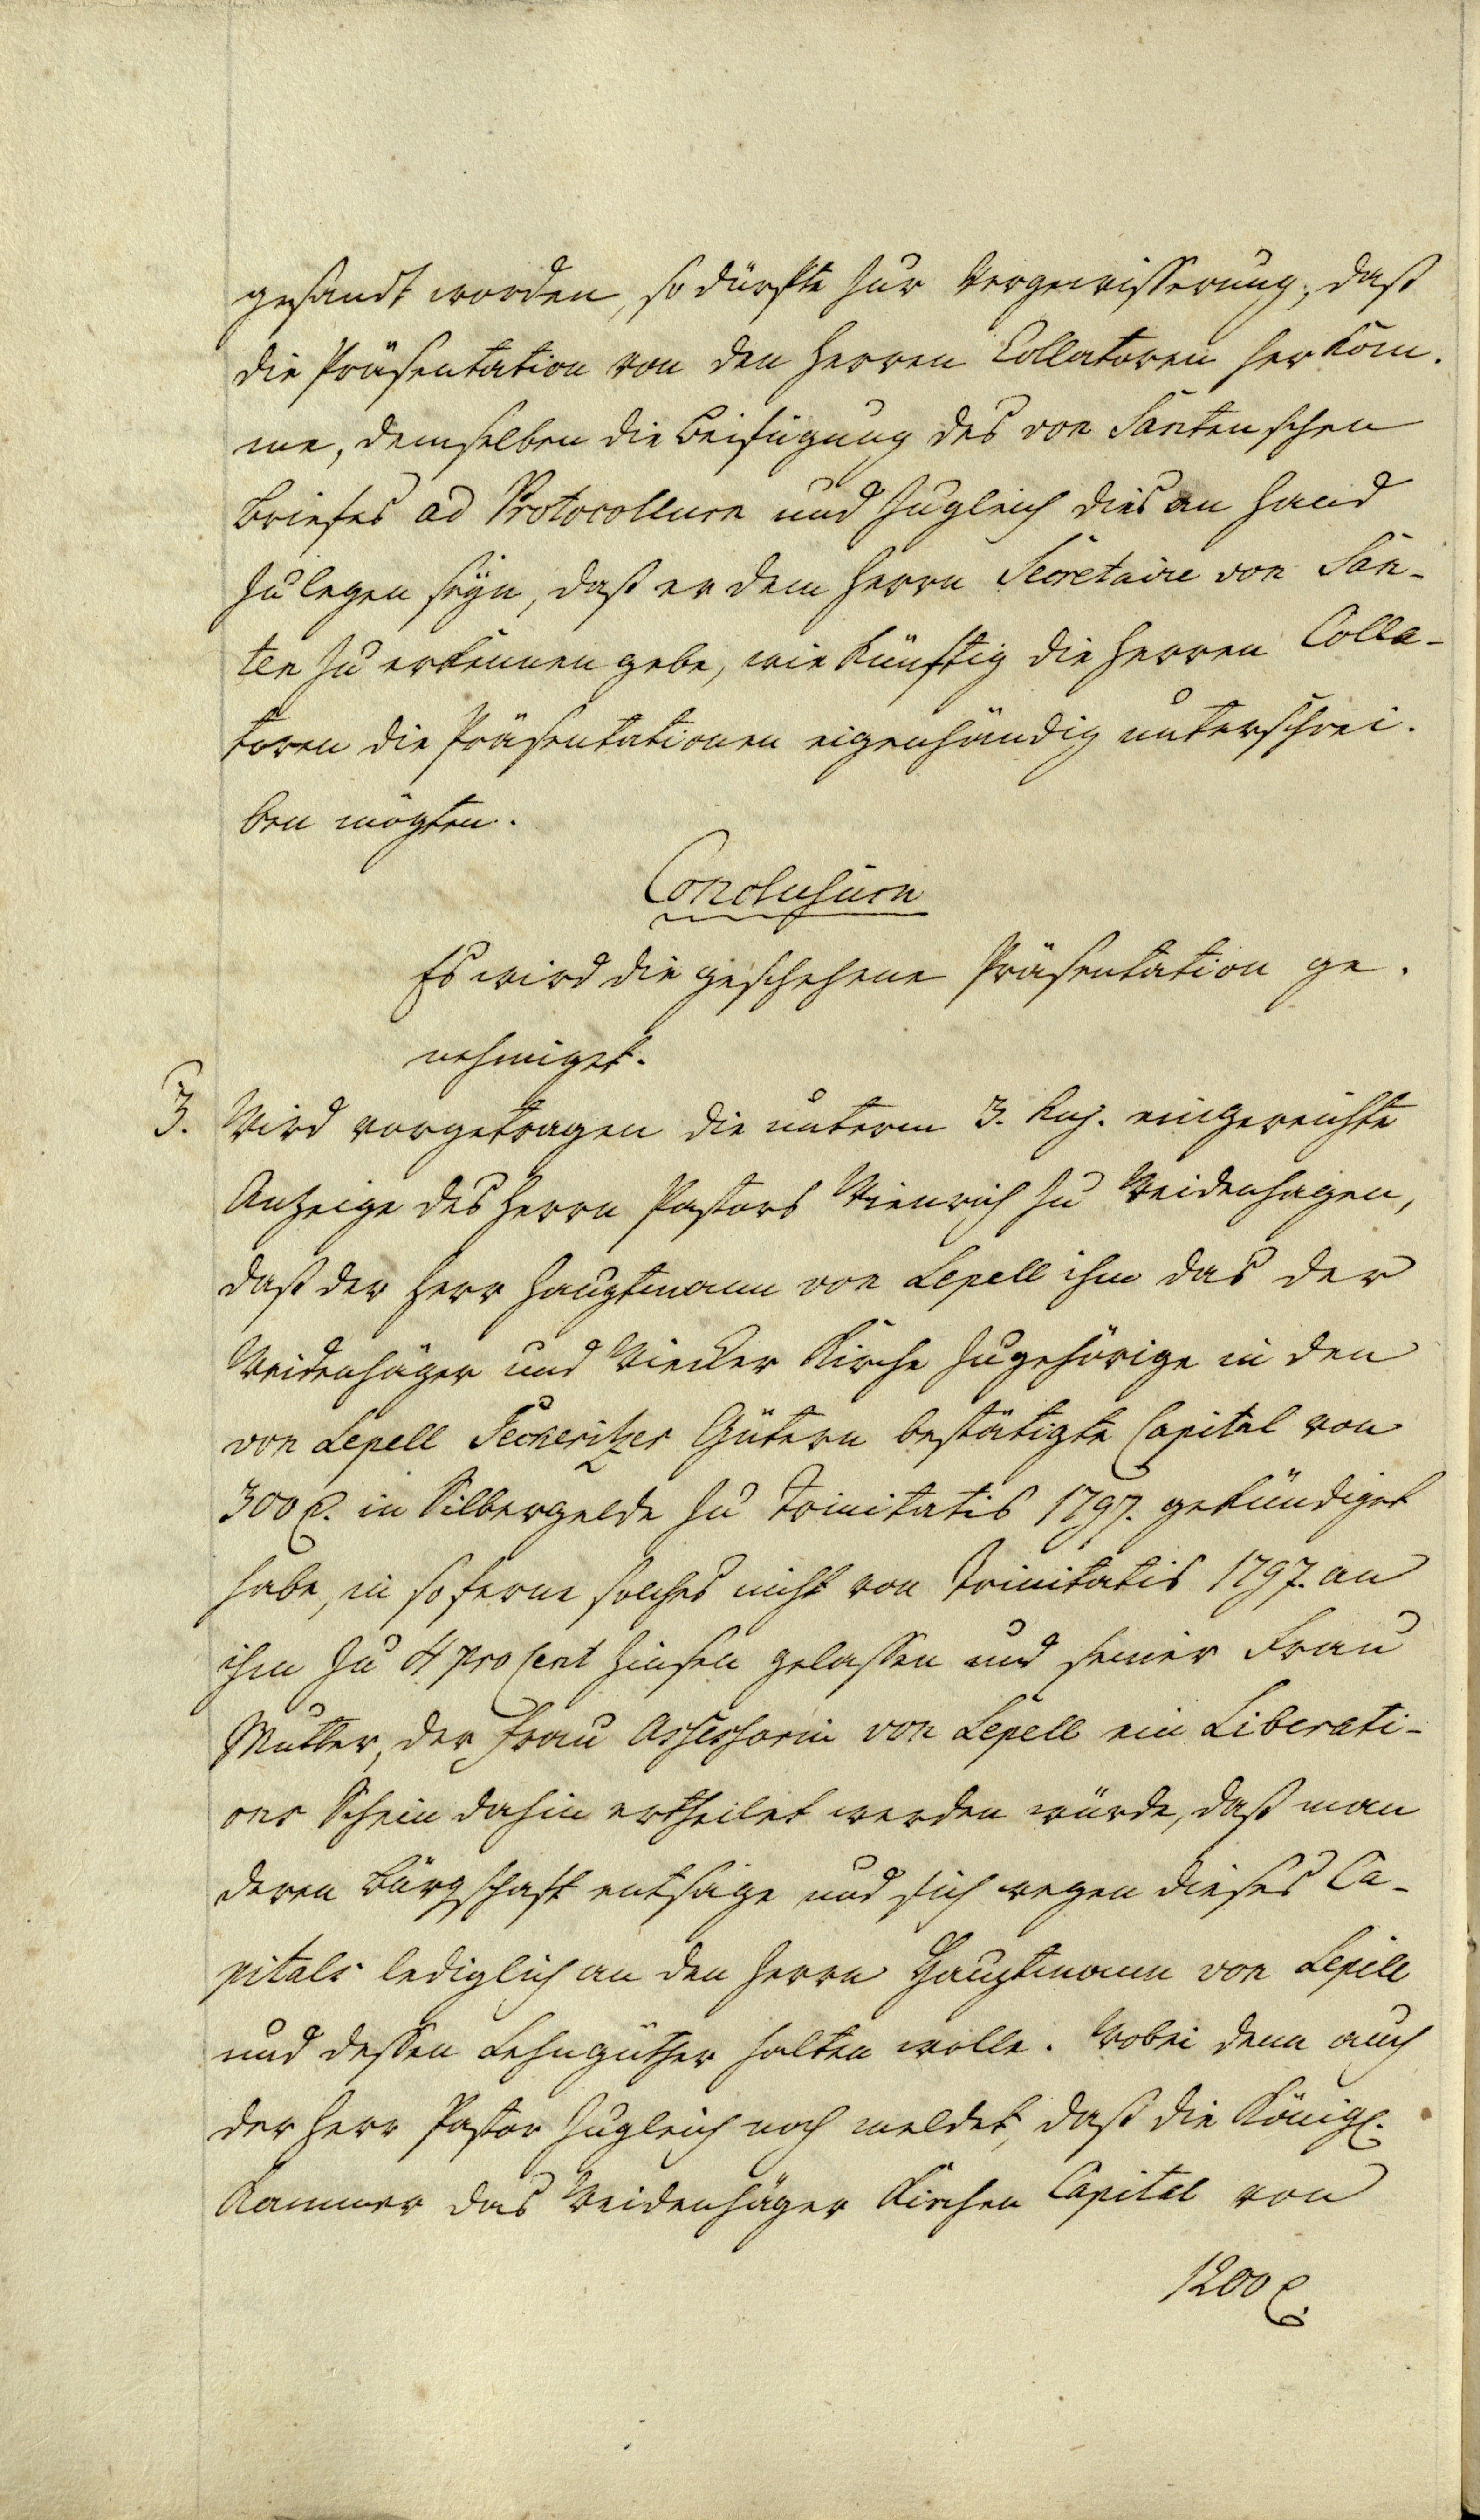gesandt worden, so dürfte zur Vergewisserung, daß
die Präsentation von den Herren Collatoren herkom¬
me, demselben die Beifügung des von Santenschen
Briefes ad Protocollum und zugleich dies an Hand
zu legen seÿn, daß er dem Herrn Secretaire von San¬
ten zu erkennen gebe, wie künftig die Herren Colla¬
toren die Präsentationen eigenhändig unterschrei¬
ben mögten.
Conclusum
Es wird die geschehene Präsentation ge¬
nehmiget.
3. Wird vorgetragen die unterm 3. huj. eingereichte
Anzeige des Herrn Pastors Wienrich zu Weidenhagen,
daß der Herr Hauptmann von Lepell ihm das der
Weidenhäger und Wiecker Kirche zugehörige in den
von Lepell Seckeritzer Gütern bestätigte Capital von
300 l. in Silbergelde zu Trinitatis 1797. gekündiget
habe, in so ferne solches nicht von Trinitatis 1797 an
ihm zu 4 pro Cent Zinsen gelassen und seiner Frau
Mutter, der Frau Assessorin von Lepell ein Liberati¬
ons Schein dahin ertheilet werden würde, daß man
deren Bürgschaft entsage und sich wegen dieses Ca¬
pitals lediglich an den Herrn Hauptmann von Lepell
und dessen Lehngüther halten wolle. Wobei denn auch
der Herr Pastor zugleich noch meldet, daß die Königl.
Kammer das Weidenhäger Kirchen Capital von
1200 l.